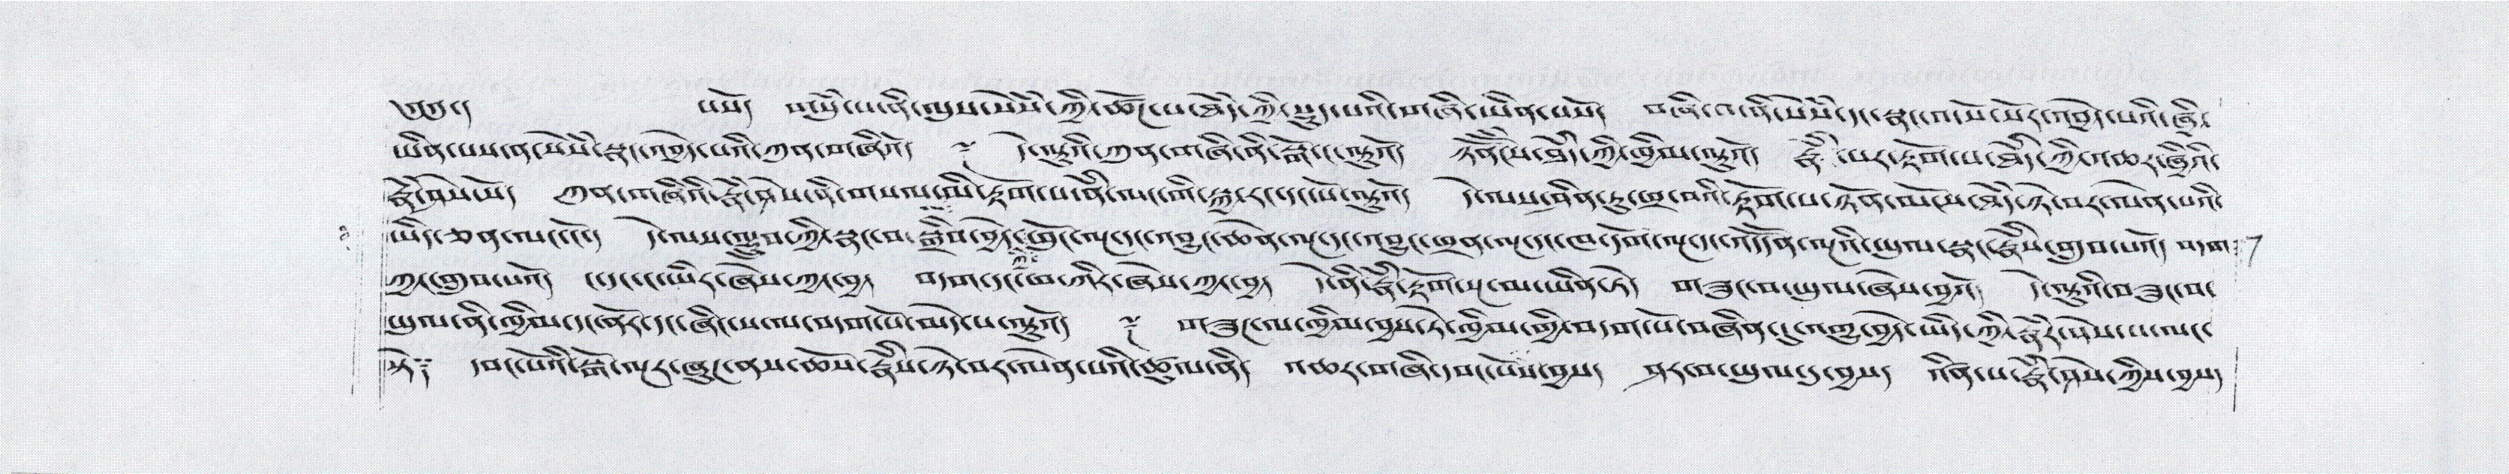པས་སོ། གསུམ་པ་ནི་ལུས་སེམས་ཀྱི་ཚོགས་པ་ཐམས་ཅད་ཀྱི་སྡུད་པའི་གཞི་ཡིན་པས་སོ། བཞི་པ་ནི་སེམས་དང་སྣང་བ་སོ་སོར་འབྱེད་པའི་གཞི་
ཡིན་པས་ན་སེམས་སྣང་འབྱེད་པའི་ཀུན་གཞིའོ། ༑ དེ་ལྟ་བུའི་ཀུན་གཞི་ནི་སྒོ་ང་ལྟ་བུའོ། ཉོན་མོངས་པ་ཐམས་ཅད་ཀྱི་ཁྱིམ་ལྟ་བུའོ། རྣམ་པར་རྟོག་པ་ཐམས་ཅད་ཀྱི་འཆར་གཞིའི་
རྣམ་ཤེས་སོ། ཀུན་གཞིའི་རྣམ་ཤེས་ནི་གསལ་བས་མི་རྟོག་པ་ནམ་ལང་གི་སྐྱ་རང་དང་པོ་ལྟ་བུའོ། དེ་ལས་ཤིན་ཏུ་ཕྲ་བའི་རྟོག་པ་ཉོན་མོངས་ཐམས་ཅད་ཉེ་བར་ལེན་པའི་
ཡིད་ཅན་མང་ངོ། དེ་ལས་ལྷུན་གྲུབ་ཀྱི་སྣང་བ་སྒྲིབ་བྱེད་ཀྱི་ཕུང་པོ་ལྔ་དང་འབྱུང་ཆེན་ལྔ་དང་འབྱུང་ཕྲན་ལྔ་དང་ཁ་དོག་ལྔ་དང་འདོད་ཡོན་ལྔའི་ཡུལ་སྣང་རྣམས་གྲུབ་པའོ། བདག་
ཀྱང་གྲུབ་པའོ། ང་དང་ང་ཡིར་ཞེས་ཀྱང་བྱ། བདག་དང་ཕ་ཀིར་ཞེས་ཀྱང་བྱ། དེ་ནི་རྣམ་རྟོག་སྔ་མ་ཡིན་ཏེ། གཟུང་བ་ཡུལ་ཞེས་བྱའོ། དེ་ལྟ་བུའི་བཟུང་བ་
ཡུལ་ནི་ཁྱིམ་དང་ནོར་དང་ཞིང་ས་ལ་བདག་པོ་མེད་པ་ལྟ་བུའོ། ༑ གཟུགས་ལ་ཁྱིམ་བྱས་ཏེ་ཁྱིམ་གྱི་བདག་པོ་བཞིན་དུ་འགྱུ་བྱེད་ཡིད་ཀྱི་རྣམ་པར་ཤེས་པ་མང་
སྟེ། དབང་པོའི་སྒོ་ལྔར་ཞུགས་ནས་ཆོས་རྣམས་ཉེ་བར་ལེན་པའི་ཚུལ་ནི། འཆར་གཞི་དབང་པོས་བྱས། ཤར་བ་ཡུལ་དུ་བྱས། འཛིན་པ་རྣམ་ཤེས་ཀྱི་བྱས།